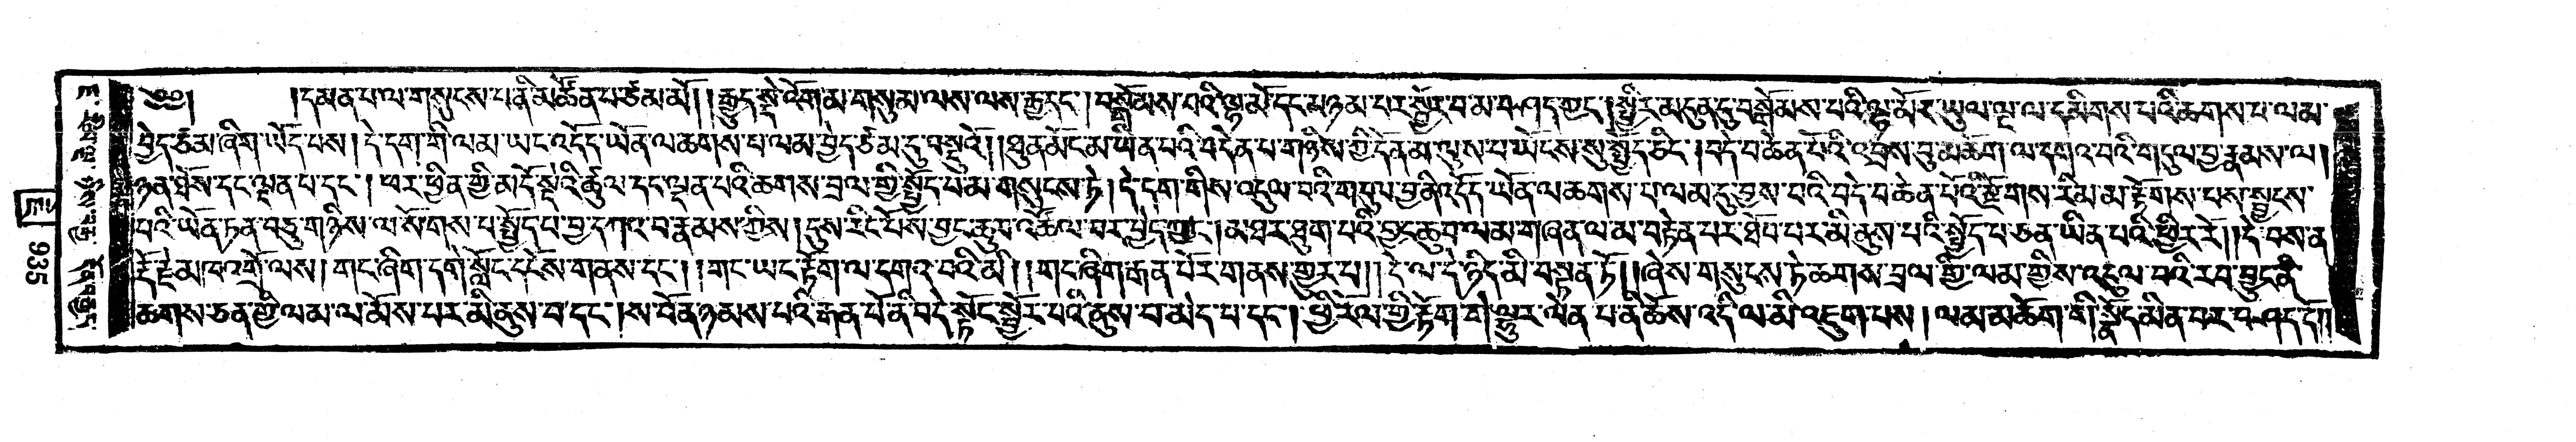༄༅། །དམན་པ་ལ་གསུངས་པ་ནི་མཚོན་པ་ཙམ་མོ། །རྒྱུད་སྡེ་འོག་མ་གསུམ་ལས་ལས་རྒྱ་དང་། བསྒོམས་པའི་ལྷ་མོ་དང་མཉམ་པར་སྦྱོར་བ་མ་བཤད་ཀྱང་། སྤྱིར་མདུན་དུ་བསྒོམས་པའི་ལྷ་མོའི་ཡུལ་ལྔ་ལ་དམིགས་པའི་ཆགས་པ་ལམ་
བྱེད་ཙམ་ཞིག་ཡོད་པས། དེ་དག་གི་ལམ་ཡང་འདོད་ཡོན་ལ་ཆགས་པ་ལམ་བྱེད་ཙམ་དུ་བསྡུའོ། །ཐུན་མོང་མ་ཡིན་པའི་བདེན་པ་གཉིས་ཀྱི་དོན་མ་ལུས་པ་ཡོངས་སུ་སྤྱོད་ཅིང་། བདེ་བ་ཆེན་པོའི་འབྲས་བུ་མཆོག་ལ་དགའ་བའི་གདུལ་བྱ་རྣམས་ལ།
ཉན་ཐོས་དང་ལྡན་པ་དང་། ཕར་ཕྱིན་གྱི་མདོ་སྡེའི་ཚུལ་དང་ལྡན་པའི་ཆགས་བྲལ་གྱི་སྤྱོད་པ་མ་གསུངས་ཏེ། དེ་དག་གིས་འདུལ་བའི་གདུལ་བྱ་ནི་འདོད་ཡོན་ལ་ཆགས་པ་ལམ་དུ་བྱས་པའི་བདེ་བ་ཆེན་པོའི་རྫོགས་རིམ་མ་རྟོགས་པས་སྦྱངས་
པའི་ཡོན་ཏན་བཅུ་གཉིས་ལ་སོགས་པ་སྤྱོད་པ་བྱ་དཀའ་བ་རྣམས་ཀྱིས། དུས་རིང་པོས་བྱང་ཆུབ་འཚོལ་བར་བྱེད་ཀྱང་། མཐར་ཐུག་པའི་བྱང་ཆུབ་ལམ་གཞན་ལ་མ་བརྟེན་པར་ཐོབ་པར་མི་ནུས་པའི་སྤྱོད་པ་ཅན་ཡིན་པའི་ཕྱིར་རོ། །དེ་བས་ན་
རྡོ་རྗེ་མཁའ་འགྲོ་ལས། གང་ཞིག་དགེ་སློང་དངོས་གནས་དང་། །གང་ཡང་རྟོག་ལ་དགའ་བའི་མི། །གང་ཞིག་རྒན་པོར་གནས་གྱུར་པ། །དེ་ལ་དེ་ཉིད་མི་བསྟན་ཏོ། །ཞེས་གསུངས་ཏེ་ཆགས་བྲལ་གྱི་ལམ་གྱིས་འདུལ་བའི་རབ་བྱུང་ནི་
ཆགས་ཅན་གྱི་ལམ་ལ་མོས་པར་མི་ནུས་པ་དང་། ས་བོན་ཉམས་པའི་རྒན་པོ་ནི་བདེ་སྟོང་སྦྱོར་བའི་ནུས་པ་མེད་པ་དང་། ཕྱི་རོལ་གྱི་རྟོག་གེ་ལྷུར་ལེན་པ་ནི་ཆོས་འདི་ལ་མི་འཇུག་པས། ལམ་མཆོག་གི་སྣོད་མིན་པར་བཤད་དོ། །